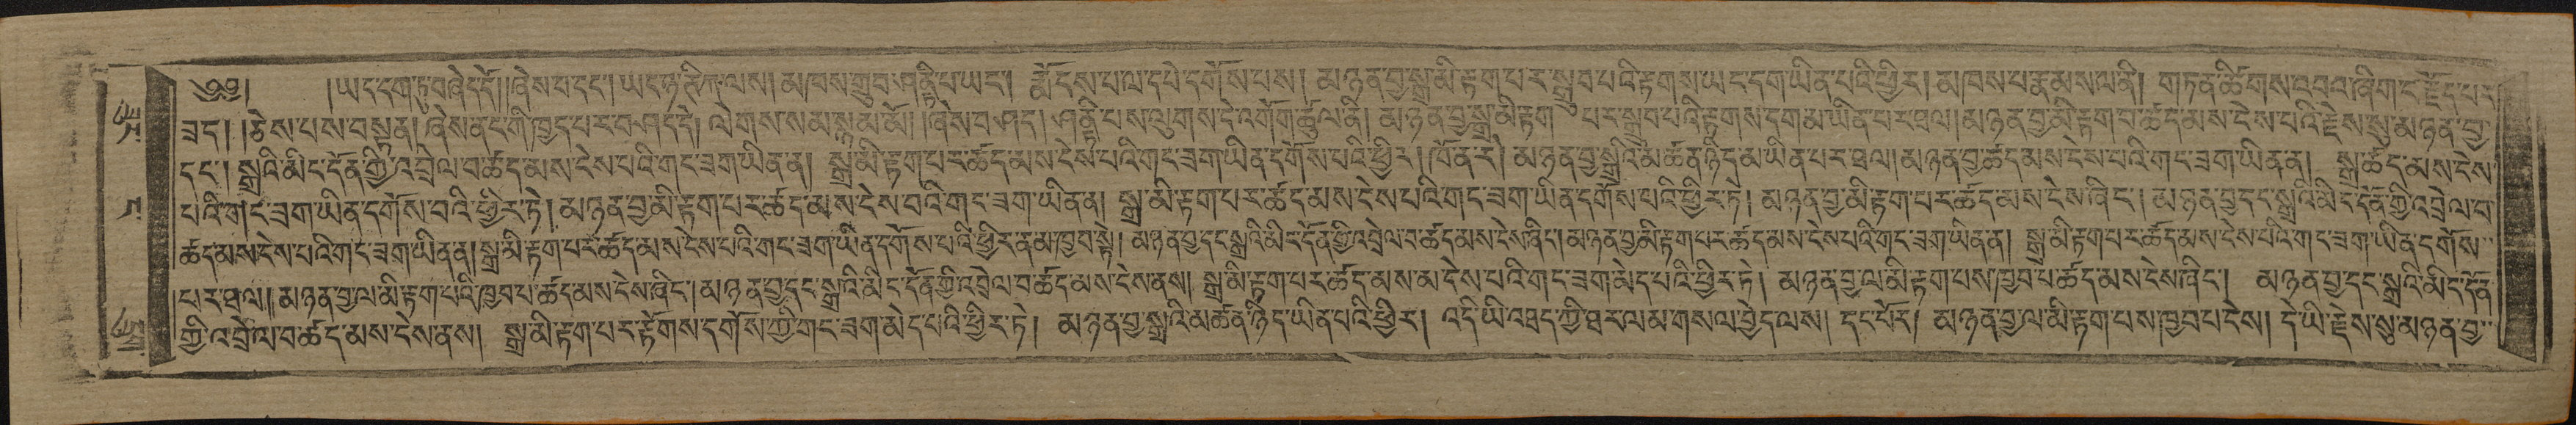༄༅། །ཡང་དག་ཏུ་བཞེད་དོ། །ཞེས་པ་དང་། ཡང་ཉ་ཊིཀ་ལས། མཁས་གྲུབ་ཤནྟི་པ་ཡང་། རྨོངས་པ་ལ་དཔེ་དགོས་པས། མཉན་བྱ་སྒྲ་མི་རྟག་པར་སྒྲུབ་པའི་རྟགས་ཡང་དག་ཡིན་པའི་ཕྱིར། མཁས་པ་རྣམས་ལ་ནི། གཏན་ཚིགས་འབའ་ཞིག་བརྗོད་པར་
ཟད། །ཅེས་པས་བསྟན། ཞེས་ནང་གི་ཁྱད་པར་བཤད་དེ། ལེགས་སམ་སྙམ་མོ། །ཞེས་བཤད། ཤནྟི་པས་ལུགས་དེ་འགོག་ཚུལ་ནི། མཉན་བྱ་སྒྲ་མི་རྟག་པར་སྒྲུབ་པའི་རྟགས་དག་མ་ཡིན་པར་ཐལ། མཉན་བྱ་མི་རྟག་པ་ཚད་མས་ངེས་པའི་རྗེས་སུ་མཉན་བྱ་
དང་། སྒྲའི་མིང་དོན་གྱི་འབྲེལ་བ་ཚད་མས་ངེས་པའི་གང་ཟག་ཡིན་ན། སྒྲ་མི་རྟག་པར་ཚད་མས་ངེས་པའི་གང་ཟག་ཡིན་དགོས་པའི་ཕྱིར། ཁོ་ན་རེ། མཉན་བྱ་སྒྲའི་མཚན་ཉིད་མ་ཡིན་པར་ཐལ། མཉན་བྱ་ཚད་མས་ངེས་པའི་གང་ཟག་ཡིན་ན། སྒྲ་ཚད་མས་ངེས་
པའི་གང་ཟག་ཡིན་དགོས་བའི་ཕྱིར་ཏེ། མཉན་བྱ་མི་རྟག་པར་ཚད་མས་ངེས་པའི་གང་ཟག་ཡིན་ན། སྒྲ་མི་རྟག་པར་ཚད་མས་ངེས་པའི་གང་ཟག་ཡིན་དགོས་པའི་ཕྱིར་ཏེ། མཉན་བྱ་མི་རྟག་པར་ཚད་མས་ངེས་ཤིང་། མཉན་བྱ་དང་སྒྲའི་མིང་དོན་གྱི་འབྲེལ་བ་
ཚད་མས་ངེས་པའི་གང་ཟག་ཡིན་ན། སྒྲ་མི་རྟག་པར་ཚད་མས་ངེས་པའི་གང་ཟག་ཡིན་དགོས་པའི་ཕྱིར་ན་མ་ཁྱབ་སྟེ། མཉན་བྱ་དང་སྒྲའི་མིང་དོན་གྱི་འབྲེལ་བ་ཚད་མས་ངེས་ཤིང་། མཉན་བྱ་མི་རྟག་པར་ཚད་མས་ངེས་པའི་གང་ཟག་ཡིན་ན། སྒྲ་མི་རྟག་པར་ཚད་མས་ངེས་པའི་གང་ཟག་ཡིན་དགོས་
པར་ཐལ། མཉན་བྱ་ལ་མི་རྟག་པས་ཁྱབ་པ་ཚད་མས་ངེས་ཞིང་། མཉན་བྱ་དང་སྒྲའི་མིང་དོན་གྱི་འབྲེལ་བ་ཚད་མས་ངེས་ནས། སྒྲ་མི་རྟག་པར་ཚད་མས་མ་ངེས་པའི་གང་ཟག་མེད་པའི་ཕྱིར་ཏེ། མཉན་བྱ་ལ་མི་རྟག་པས་ཁྱབ་པ་ཚད་མས་ངེས་ཤིང་། མཉན་བྱ་དང་སྒྲའི་མིང་དོན་
གྱི་འབྲེལ་བ་ཚད་མས་ངེས་ནས། སྒྲ་མི་རྟག་པར་རྟོགས་དགོས་ཀྱི་གང་ཟག་མེད་པའི་ཕྱིར་ཏེ། མཉན་བྱ་སྒྲའི་མཚན་ཉིད་ཡིན་པའི་ཕྱིར། འདི་ཡི་འཐད་ཀྱི་ཐར་ལམ་གསལ་བྱེད་ལས། དང་པོར། མཉན་བྱ་ལ་མི་རྟག་པས་ཁྱབ་པ་ངེས། དེ་ཡི་རྗེས་སུ་མཉན་བྱ་